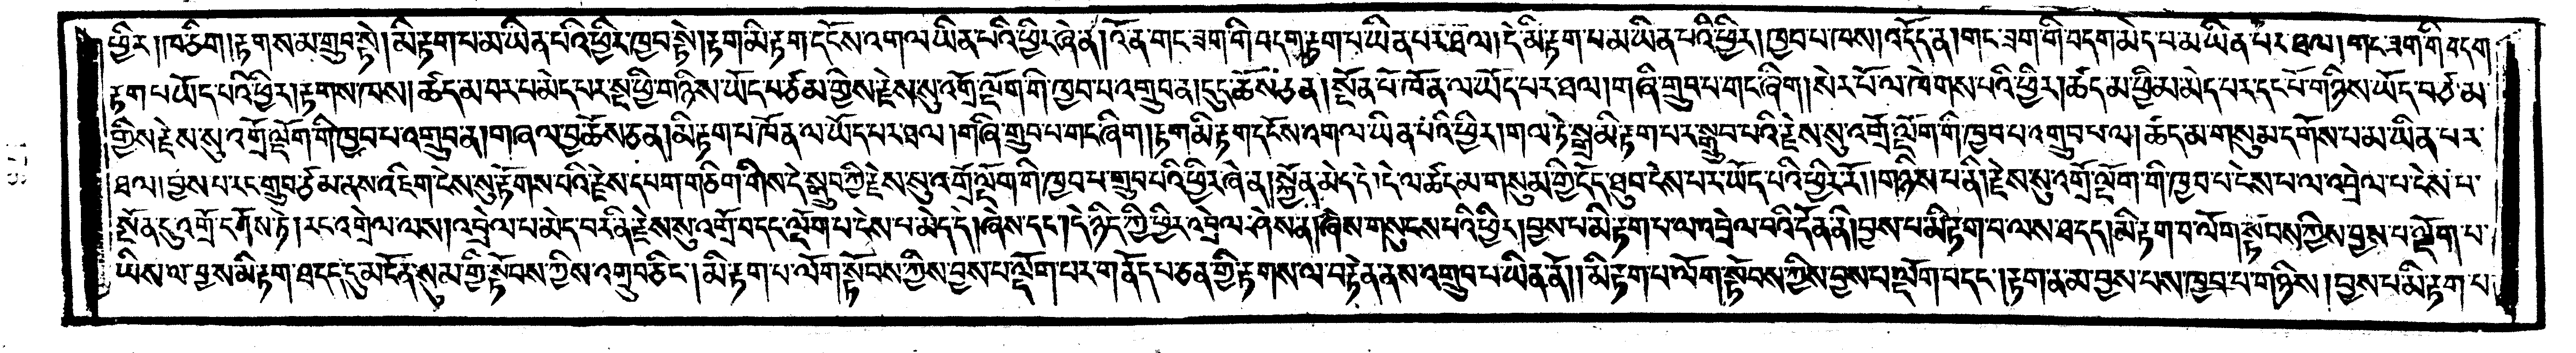ཕྱིར། ཁ་ཅིག། རྟགས་མ་གྲུབ་སྟེ། མི་རྟག་པ་མ་ཡིན་པའི་ཕྱིར་ཁྱབ་སྟེ། རྟག་མི་རྟག་དངོས་འགལ་ཡིན་པའི་ཕྱིར་ཞེ་ན། འོ་ན་གང་ཟག་གི་བདག་རྟག་པ་ཡིན་པར་ཐལ། དེ་མི་རྟག་པ་མ་ཡིན་པའི་ཕྱིར། ཁྱབ་པ་ཁས། འདོད་ན། གང་ཟག་གི་བདག་མེད་པ་མ་ཡིན་པར་ཐལ། གང་ཟག་གི་བདག་
རྟག་པ་ཡོད་པའི་ཕྱིར། རྟགས་ཁས། ཚད་མ་བར་པ་མེད་པར་སྔ་ཕྱི་གཉིས་ཡོད་པ་ཙམ་གྱིས་རྗེས་སུ་འགྲོ་ལྡོག་གི་ཁྱབ་པ་འགྲུབ་ན། དུང་ཆོས་ཅན། སྔོན་པོ་ཁོ་ན་ལ་ཡོད་པར་ཐལ། གཞི་གྲུབ་པ་གང་ཞིག། སེར་པོ་ལ་ཁེགས་པའི་ཕྱིར། ཚད་མ་ཕྱི་མ་མེད་པར་དང་པོ་གཉིས་ཡོད་པ་ཙམ་
གྱིས་རྗེས་སུ་འགྲོ་ལྡོག་གི་ཁྱབ་པ་འགྲུབ་ན། གཞལ་བྱ་ཆོས་ཅན། མི་རྟག་པ་ཁོ་ན་ལ་ཡོད་པར་ཐལ། གཞི་གྲུབ་པ་གང་ཞིག། རྟག་མི་རྟག་དངོས་འགལ་ཡིན་པའི་ཕྱིར། གལ་ཏེ་སྒྲ་མི་རྟག་པར་སྒྲུབ་པའི་རྗེས་སུ་འགྲོ་ལྡོག་གི་ཁྱབ་པ་འགྲུབ་པ་ལ། ཚད་མ་གསུམ་དགོས་པ་མ་ཡིན་པར་
ཐལ། བྱས་པ་རང་གྲུབ་ཙམ་ནས་འཇིག་ངེས་སུ་རྟོགས་པའི་རྗེས་དཔག་གཅིག་གས་དེ་སྒྲུབ་ཀྱི་རྗེས་སུ་འགྲོ་ལྡོག་གི་ཁྱབ་པ་གྲུབ་པའི་ཕྱིར་ཞེ་ན། སྐྱོན་མེད་དེ། དེ་ལ་ཚད་མ་གསུམ་གྱི་དོད་ཐུབ་ངེས་པར་ཡོད་པའི་ཕྱིར་རོ། །གཉིས་པ་ནི། རྗེས་སུ་འགྲོ་ལྡོག་གི་ཁྱབ་པ་ངེས་པ་ལ་འབྲལ་པ་ངེས་པ་
སྔོན་དུ་འགྲོ་དགོས་ཏེ། རང་འགྲེལ་ལས། འབྲེལ་པ་མེད་པར་ནི་རྗེས་སུ་འགྲོ་བ་དང་ལྡོག་པོ་ངེས་པ་མེད་དེ། ཞེས་དང་། དེ་ཉིད་ཀྱི་ཕྱིར་འབྲེལ་ཤེས་ན། ཞེས་གསུངས་པའི་ཕྱིར། བྱས་པ་མི་རྟག་པ་ལ་འབྲེལ་བའི་དོན་ནི། བྱས་པ་མི་རྟག་པ་ལས་ཐ་དད། མི་རྟག་པ་ལོག་སྟོབས་ཀྱིས་བྱས་པ་ལྡོག་པ་
ཡིན་ལ། བྱས་མི་རྟག་ཐ་དད་དུ་མངོན་སུམ་གྱི་སྟོབས་ཀྱིས་འགྲུབ་ཅིང་། མི་རྟག་པ་ལོག་སྟོབས་ཀྱིས་བྱས་པ་ལྡོག་པར་གནོད་པ་ཅན་གྱི་རྟགས་ལ་བརྟེན་ནས་འགྲུབ་པ་ཡིན་ནོ། །མི་རྟག་པ་ལོག་སྟོབས་ཀྱིས་བྱས་པ་ལྡོག་པ་དང་། རྟག་ན་མ་བྱས་པས་ཁྱབ་པ་གཉིས། བྱས་པ་མི་རྟག་པ་